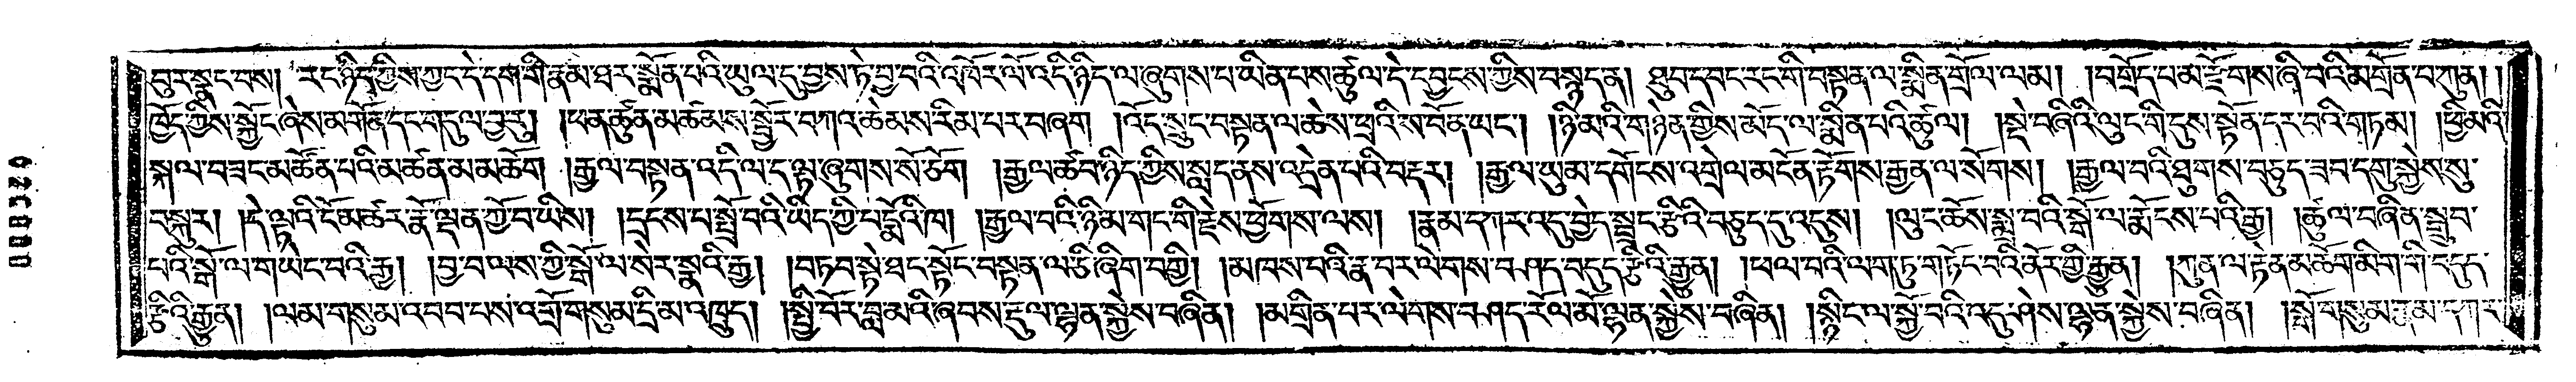བུར་སྣང་ངས། རང་ཉིད་ཀྱིས་ཀྱང་དེ་དག་གི་རྣམ་ཐར་སྨོན་པའི་ཡུལ་དུ་བྱས་ཏེ་བྱ་བའི་འཁོར་ལོ་འདི་ཉིད་ལ་ཞུགས་པ་ཡིན་པས་ཚུལ་དེ་དབྱངས་ཀྱིས་བསྙད་ན། ཐུབ་དབང་རང་གི་བསྟན་ལ་སྨིན་གྲོལ་ལམ། །བགྲོད་པ་མ་རྫོགས་ཞི་བའི་མགྲོན་པ་ཀུན། །
ཁྱོད་ཀྱིས་སྐྱོང་ཞེས་མགོན་དང་གདུལ་བྱ་རུ། །ཕན་ཚུན་མཚམས་སྦྱོར་བཀའ་ཆེམས་རིམ་པར་བཞག །འོད་སྲུང་བསྟན་ལ་ཆེས་བྲའི་ས་བོན་ཡང་། །ཉི་མའི་གཉེན་གྱིས་མོད་ལ་སྨིན་པའི་ཚུལ། །སྡེ་བཞིའི་ལུང་གི་དུས་སྟོན་དར་བའི་གཏམ། །ཕྱི་མའི་
སྐལ་བཟང་མཚོན་པའི་མཚན་མ་མཆོག །རྒྱལ་བསྟན་འདི་ལ་དེ་ལྟ་ཞུགས་སོ་ཅོག །རྒྱལ་ཚབ་ཉིད་ཀྱིས་སླད་ནས་འདྲེན་པའི་བརྡར། །རྒྱལ་ཡུམ་དགོངས་འགྲེལ་མངོན་རྟོགས་རྒྱན་ལ་སོགས། །རྒྱལ་བའི་ཐུགས་བཅུད་ཟབ་དགུ་སྐྱེས་སུ་
བསྐུར། །དེ་ལྟའི་ངོ་མཚར་རྣོ་ལྡན་ཀྱོ་བ་ཡིས། །དྲངས་པ་སྤྲོ་བའི་ཡིད་ཀྱི་པདམོའི་ཁ། །རྒྱལ་བའི་ཉི་མ་གང་གི་རྗེས་ཕྱོགས་ལས། །རྣམ་དཀར་འདུ་བྱེད་སྦྲང་རྩིའི་བཅུད་དུ་འདུས། །ལུང་ཆོས་སྨྲ་བའི་སྒོ་ལ་རྨོངས་པའི་རྒྱ། །ཚུལ་བཞིན་སྒྲུབ་
བའི་སྒོ་ལ་གཡེང་བའི་རྒྱ། །བྱ་བ་ལས་ཀྱི་སྒོ་ལ་སེར་སྣའི་རྒྱ། །བཏབ་སྟེ་ཐང་སྟོང་བསྟན་ལ་ཅི་ཞིག་བགྱི། །མཁས་པའི་རྣ་བར་ལེགས་བཤད་བདུད་རྩིའི་རྒྱུན། །ཕལ་བའི་ལག་ཏུ་གཏོང་བའི་ནོར་གྱི་རྒྱུན། །ཀུན་ལ་རྟེན་མཆོག་མིག་གི་བདུད་
རྩིའི་རྒྱུན། །ལམ་གསུམ་འབབ་པས་འགྲོ་གསུམ་དྲི་མ་འཁྱུད། །སྤྱི་བོར་བླ་མའི་ཞབས་རྡུལ་ལྷན་སྐྱེས་བཞིན། །མགྲིན་པར་ལེགས་བཤད་རོལ་མོ་ལྷན་སྐྱེས་བཞིན། །སྙིང་ལ་སྐྱོ་བའི་འདུ་ཤེས་ལྷན་སྐྱེས་བཞིན། །སྒོ་གསུམ་རྣམ་དཀར་